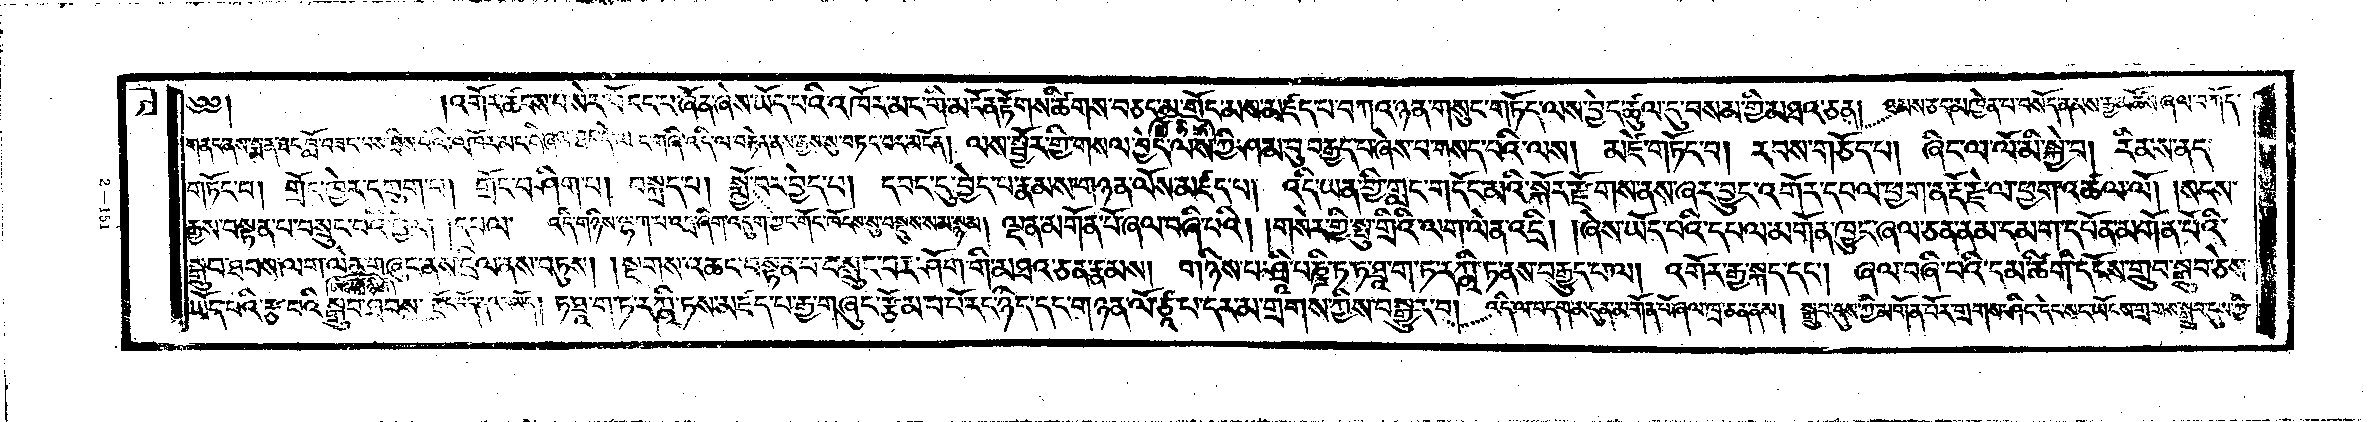༄༅། །འགོར་ཚངས་པ་སེར་མོ་ངང་པ་ཞོན་ཞེས་ཡོད་པའི་འཁོར་མང་གི་མངོན་རྟོགས་ཚིགས་བཅད་མ་གོང་མས་མཛད་པ་བཀའ་ཉན་གསུང་གཏོད་ལས་བྱེད་ཚུལ་དུ་བསམ་གྱི་མཐའ་ཅན། ཐམས་ཅད་མཁྱེན་པ་བསོད་ནམས་རྒྱ་མཚོས་ཞལ་བཀོད་
གནང་ནས་སྨན་ཐང་བློ་བཟང་པས་བྲིས་པའི་འཁོར་མང་གི་ཞལ་ཐང་དེ་ཡང་གཞི་འདི་ལ་བརྟེན་ནས་རྒྱས་སུ་བཏང་བར་མངོན། ལས་སྦྱོར་གྱི་གསལ་བྱེད་ལས་ཀྱི་ཤམ་བུ་བརྒྱད་པ་ཞེས་པ་གསད་པའི་ལས། མཛེ་གཏོང་བ། རབས་གཅོད་པ། ཞིང་ལ་ལོ་མི་སྐྱེ་བ། རིམས་ནད་
གཏོང་བ། གྲོང་ཁྱེར་དཀྲུག་པ། གྲོང་བཤིག་པ། བསྐྲད་པ། སྨྱོ་བར་བྱེད་པ། འདི་གཉིས་རྟག་པ་འདྲ་ཞིག་འདུག་ཀྱང་གོང་ཁོངས་སུ་བསྡུས་ས་སྙམ།  དབང་དུ་བྱེད་པ་རྣམས་གཉན་ལོས་མཛད་པ། འདི་ཡན་གྱི་གླང་གདོང་མའི་སྐོར་རྫོགས་ནས་ཞར་བྱུང་འགོར་དཔལ་ཕྱག་ན་རྡོ་རྗེ་ལ་ཕྱག་འཚལ་ལོ། །སངས་
རྒྱས་བསྟན་པ་བསྲུང་བའི་ཕྱིར། །དཔལ་ལྡན་མགོན་པོ་ཞལ་བཞི་པའི། །གསེར་གྱི་སྤུ་གྲིའི་ལག་ལེན་འདྲི། །ཞེས་ཡོད་པའི་དཔལ་མགོན་ཁྱུང་ཞལ་ཅན་ནམ་དམག་དཔོན་མགོན་པོའི་
སྒྲུབ་ཐབས་ལག་ལེན་གཞུང་ནས་དྲིལ་ནས་བཏུས། །སྔགས་འཆང་བསྟན་པ་བསྲུང་བར་ཤོག་གི་མཐའ་ཅན་རྣམས། གཉིས་པ་ཤྲཱི་པཎྜི་ཏ་ཏ་ཐཱ་ག་ཏ་རཀྵྲི་ཏ་ནས་བརྒྱུད་པ་ལ། འགོར་རྒྱ་སྐད་དང་། ཞལ་བཞི་པའི་དམ་ཚིག་གི་དངོས་གྲུབ་སྒྲུབ་ཅེས་
ཡོད་པའི་རྩ་བའི་སྒྲུབ་ཐབས་རྔོད་པོད་ནའང་ཡོད།  ཏ་ཐཱ་ག་ཏ་རཀྵི་ཏས་མཛད་པ་རྒྱ་གཞུང་རྩོམ་པ་པོ་རང་ཉིད་དང་གཉན་ལོ་ཙཱ་པ་དར་མ་གྲགས་ཀྱིས་བསྒྱུར་བ། འདི་ལ་བདག་མདུན་མགོན་པོ་ཞལ་ཁྲ་ཅན་ནས། སྒྲུབ་དུས་ཀྱི་མགོན་པོར་གྲགས་ཤིང་དེང་སང་ཡོངས་གྲགས་སྒྲུབ་དུས་ཀྱི་